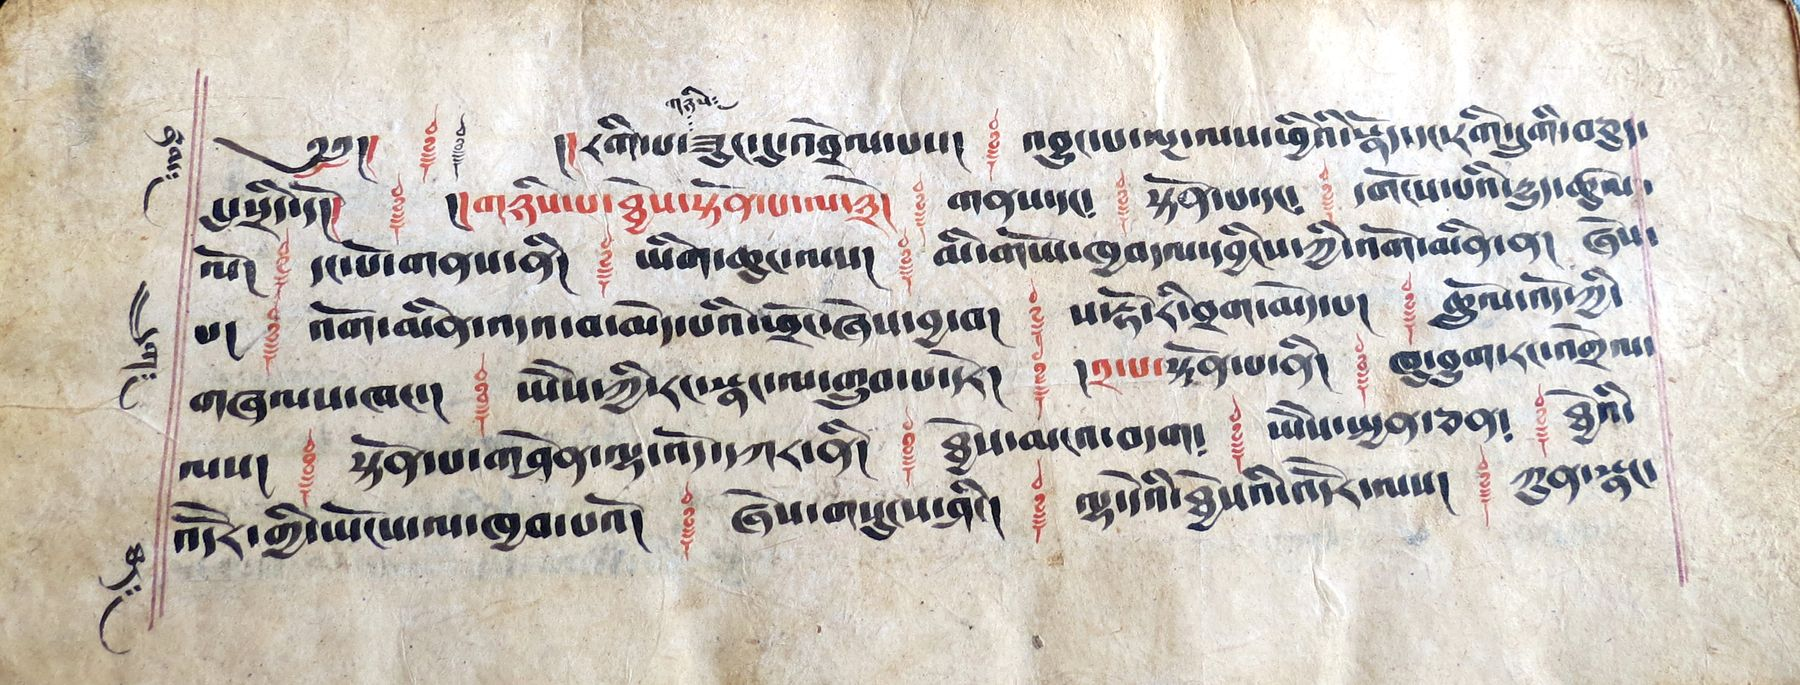རིག་པ་ཟུང་དུ་འབྲེལ་བས། འབྱུང་བ་ལྔ་ལས་ཕྱིའི་སྣོད་དང་རིགས་དྲུག་གི་བཅུད་
དུ་སྲིད་དོ། ། གཉིས་པ་ཐུགས་རྗེའི་སྟོན་པ་ལ་གསུམ་སྟེ། གནས་དང་། སྟོན་པ་དང་། དགོངས་པའི་བརྒྱུད་ཚུལ་
ལོ། ། དང་པོ་གནས་ནི། ཡིག་ཆུང་ལས། མི་གཡོ་ཁྱབ་བདལ་དབྱིངས་ཀྱི་འོག་མིན་ན། ཞེས་
པ། འོག་མིན་འདའ་བ་མེད་པའི་ཕོ་བྲང་ཞེས་བྱ་བ། ས་རྡོ་རི་བྲག་མེད་པ། ཆོ་འཕྲུལ་འོད་ཀྱི་
གཞལ་ཡས་ཁང་། ཡེ་ཤེས་ཀྱི་རང་སྣང་ལས་གྲུབ་པ་དེར། གཉིས་པ་སྟོན་པ་ནི། ཁུ་བྱུག་རང་འགྲེལ་
ལས། སྟོན་པ་གཤེན་ལྷ་འོད་དཀར་ནི། ཐུགས་རྗེའི་མངའ་བདག། ཡེ་ཤེས་སྤྱན་ཅན། ཐུགས་རྗེའི་
འོད་ཟེར་གྱིས་ཡོངས་ལ་ཁྱབ་པའོ། ། ཞེས་གསུངས་ཤིང་། ལྷ་དེའི་ཐུགས་རྗེའི་འོད་ཟེར་ལས། ཀུན་སྣང་